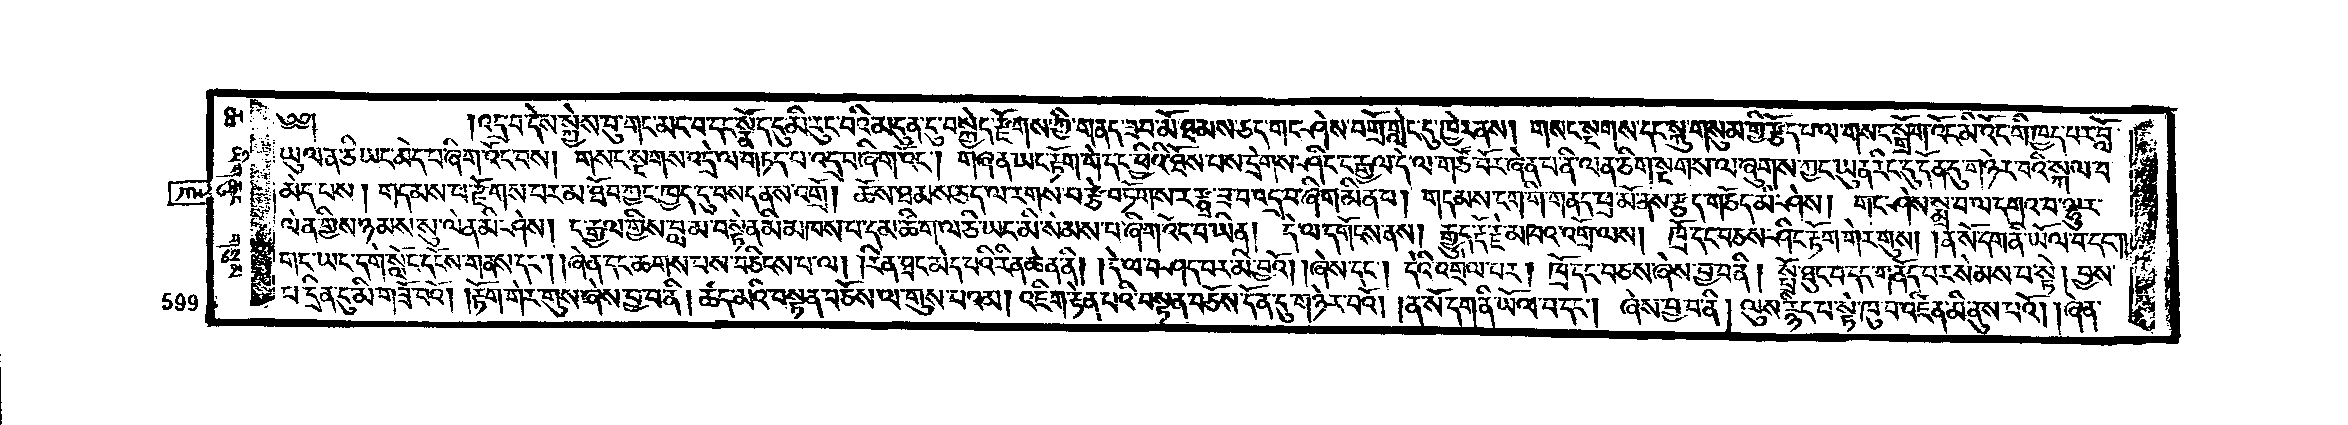༄༅། །འདྲ་བ་དེས་སྐྱེས་བུ་གང་མང་བ་དང་སྣོད་དུ་མི་རུང་བའི་མདུན་དུ་བསྐྱེད་རྫོགས་ཀྱི་གནད་ཟབ་མོ་ཐམས་ཅད་གང་ཤེས་བགྲོ་གླེང་དུ་ཁྱེར་ནས། གསང་སྔགས་དང་སྐུ་གསུམ་གྱི་རྩོད་པ་ལ་གསང་སྒྲོག་འོང་མི་འོང་གི་ཁྱད་པར་བློ་
ཡུལ་ན་ཅི་ཡང་མེད་པ་ཞིག་འོང་བས། གསང་སྔགས་འདྲེ་ལ་གཏད་པ་འདྲ་བ་ཞིག་འོང་། གཞན་ཡང་རྟོག་གེ་དང་ཕྱིའི་ཐོས་པས་དྲེགས་ཤིང་ང་རྒྱལ་དེ་ལ་གཙོ་བོར་ཞེན་པ་ནི་ལན་ཅིག་སྔགས་ལ་ཞུགས་ཀྱང་ཡུན་རིང་དུ་དོན་དུ་གཉེར་བའི་སྐལ་བ་
མེད་པས། གདམས་པ་རྫོགས་པར་མ་ཐོབ་ཀྱང་ཁྱད་དུ་བསད་ནས་འགྲོ། ཆོས་ཐམས་ཅད་ལ་རགས་པ་རྩེ་བཏོགས་ར་རྩྭ་ཟ་བ་འདྲ་བ་ཞིག་མིན་པ། གདམས་ངག་གི་གནད་ཕྲ་མོ་ནས་རྩད་གཅོད་མི་ཤེས། གང་ཤེས་སྨྲ་བ་ལ་དགའ་བ་ལྷུར་
ལེན་གྱིས་ཉམས་སུ་ལེན་མི་ཤེས། ང་རྒྱལ་གྱིས་བླ་མ་བསྟེན་མི་མཁས་པ་དམ་ཚིག་ལ་ཅི་ཡང་མི་སེམས་པ་ཞིག་འོང་བ་ཡིན། དེ་ལ་དགོངས་ནས། རྒྱུད་རྡོ་རྗེ་མཁའ་འགྲོ་ལས། ཁྲོ་དང་བཅས་ཤིང་རྟོག་གེར་གུས། །ན་སོ་དག་ནི་ཡོལ་བ་དང་། །
གང་ཡང་དགེ་སློང་དངོས་གནས་དང་། །ཞེན་དང་ཆགས་པས་བཅིངས་པ་ལ། །རིན་ཐང་མེད་པའི་རིན་ཆེན་ནི། །དེ་ལ་བཤད་པར་མི་བྱའོ། །ཞེས་དང་། དེའི་འགྲེལ་པར། ཁྲོ་དང་བཅས་ཞེས་བྱ་བ་ནི། སྤྲོ་ཐུང་བ་དང་གནོད་པར་སེམས་པ་སྟེ། བྱས་
པ་དྲིན་དུ་མི་གཟོ་བའོ། །རྟོག་གེར་གུས་ཞེས་བྱ་བ་ནི། ཚད་མའི་བསྟན་བཅོས་ལ་གུས་པའམ། འཇིག་རྟེན་པའི་བསྟན་བཅོས་དོན་དུ་གཉེར་བའོ། །ན་སོ་དག་ནི་ཡོལ་བ་དང་། ཞེས་བྱ་བ་ནི། ལུས་རྙིང་པ་སྟེ་ཁུ་བ་འཛིན་མི་ནུས་པའོ། །ཞེན་